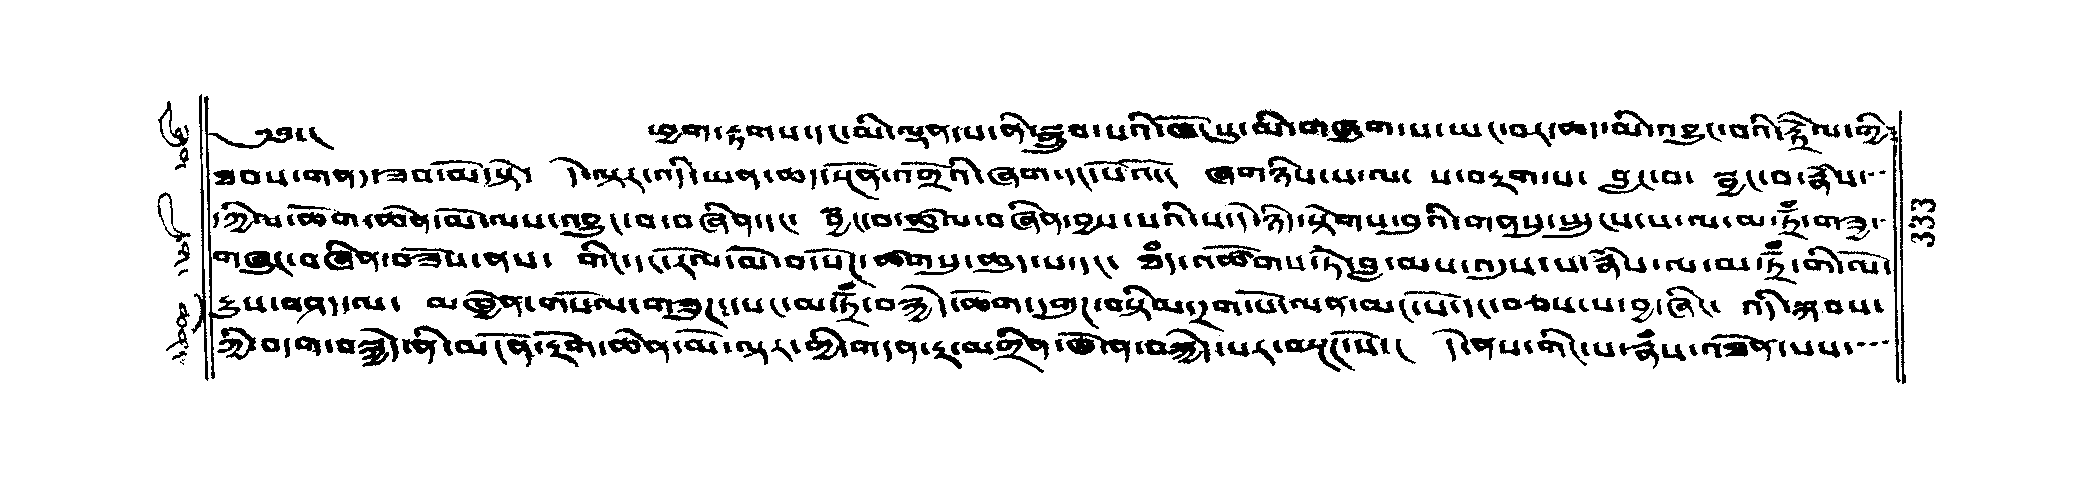ཕྱག་རྟགས་དང་མི་ལྡན་པ་ནི་སྒྲུབ་པའི་ཁོངས་སུ་མི་གཞུག་པ་ཡང་བར་ཆད་མི་འབྱུང་བའི་རྟེན་འབྲེལ་གྱི་
ཐབས་གནད་ཟབ་མོ་སྟེ། དེ་ལྟར་འདི་ཡན་ཆད་སྔོན་འགྲོའི་ཞག་དང་པོའོ། ཞག་གཉིས་པ་ལ། ས་བརྟག་བླང་བ། སྦྱང་བ་རྣམས་
དཀྱིལ་ཆོག་ཆེན་པོ་ལས་འབྱུང་བ་བཞིན་དང་། སྦྱང་བ་ཚུལ་བཞིན་བྱས་པའི་ས་དེ་ཉིད་སྟེགས་བུའི་གནས་སུ་སྤུངས་པ་ལ་མ་ཏྲཾ་གཟུགས་
གཞུང་བཞིན་བཟོས་ལ། གིང་དང་རོལ་མོ་བ་སོགས་ཚགས་སུ་ཆུད་པ་དང་། ཐམས་ཅད་ཚོགས་ཏེ་བླ་མས་འདུས་པ་རྣམས་ལ་མ་ཏྲཾ་གྱི་ལོ་
རྒྱུས་བཤད་ལ། མཁྱེན་གསོལ་གཟུགས་དཔང་མ་ཏྲཾ་བསྐྱེད་ཆོག་དགུགས་བསྟིམ་དྲག་པོ་ལན་མང་པོ་དང་བཅས་པ་བྱ་ཞིང་། འདི་སྐབས་
ཀྱི་བདག་བསྐྱེད་ནི་མངོན་རྟོགས་ཆེན་མོ་ལྟར་གྱི་རྟ་མགྲིན་ཁོ་ན་བསྐྱེད་པར་བསྔགས་སོ། དེ་ནས་གིང་པ་རྣམས་འཐེན་པས་